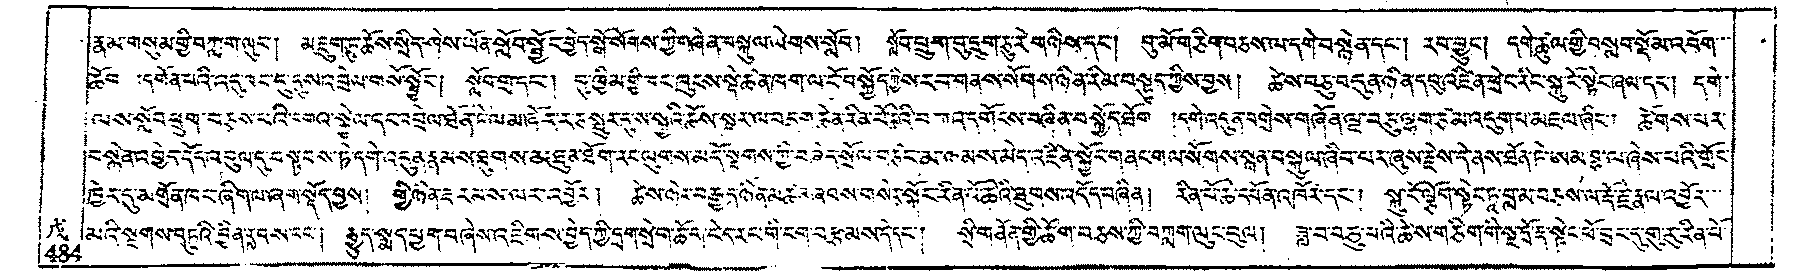རྣམ་གསུམ་གྱི་བཀླག་ལུང་། མཇུག་ཏུ་ཆོས་སྲིད་ཤེས་ཡོན་སློབ་སྦྱོང་བྱེད་སྒོ་སོགས་ཀྱི་གཞེན་བསྐུལ་ལེགས་སློབ། སློབ་ཕྲུག་བུ་དྲུག་ཅུ་རེ་གཉིས་དང་། བུ་མོ་གཅིག་བཅས་ལ་དགེ་བསྙེན་དང་། རབ་བྱུང་། དགེ་ཚུལ་གྱི་བསླབ་སྡོམ་འབོག་
ཆོག །དགོན་པའི་འདུ་ཁང་དུ་དུས་འབྲེལ་གསོ་སྦྱོང་། སློབ་གྲ་དང་། བུ་ཁྱིམ་གྱི་ཁང་ཁུངས་སྡེ་ཚན་ཁག་ལ་ངོ་བསྐྱོད་ཀྱིས་རབ་གནས་སོགས་ཉིན་རིམ་བསྟུད་ཀྱིས་བྱས། ཚེས་བཅུ་བདུན་ཉིན་དབུ་འཛིན་ཕྲེང་རིང་སྐུ་ངོ་སྟེང་ཞལ་དང་། དགེ་
ལས་སློབ་ཕྲུག་བཅས་པའི་དགའ་སྐྱེལ་དང་འབྲེལ་ཐོན་ཏེ་ལམ་ཞོར་ར་ཅ་སྤུར་དུ་ས་སྐྱའི་ཆོས་སྒར་ལ་བདག་ཆེན་རིན་པོ་ཆེའི་བཀའ་དགོངས་བཞིན་བསྐྱོད་ཐོག །དགེ་འདུན་བགྲེས་གཞོན་ལྔ་བཅུ་ལྷག་ཙམ་འདུག་པ་མཇལ་ཞིང་། ཚོགས་པར་
བསྙེན་འགྱེད་དོད་འབུལ་དུ་བསྟབས་ཏེ་དགེ་འདུན་རྣམས་ཐུགས་མཐུན་ཐོག་རང་ལུགས་མདོ་སྔགས་ཀྱི་བཞེད་སྲོལ་གཙང་མ་ཉམས་མེད་འཛིན་སྐྱོང་གནང་གལ་སོགས་སྙན་བསྐུལ་ཞིབ་པར་ཞུས་རྗེས་དེ་ནས་ཐོན་ཏེ་ཨམ་བྷ་ལ་ཞེས་པའི་གྲོང་
ཁྱེར་དུ་མགྲོན་ཁང་ཞིག་ལ་ཞག་སྡོད་བྱས། ཕྱི་ཉིན་རྡ་རམ་ས་ལར་འབྱོར། ཚེས་ཉེར་བརྒྱད་ཉིན་མཚན་ཞབས་གསེར་སྐོང་རིན་པོ་ཆེའི་ཐུགས་འདོད་བཞིན། རིན་པོ་ཆེ་དཔོན་འཁོར་དང་། སྐུ་ངོ་ལྕོག་སྟེང་ཏཱ་བླ་མ་བཅས་ལ་རྡོ་རྗེ་རྣལ་འབྱོར་
མའི་སྔགས་བཏུའི་བྱིན་རླབས་དང་། རྒྱུད་སྨད་ཕྱག་བཞེས་འཇིགས་བྱེད་ཀྱི་དྲག་སྲེག་ཆོ་ག་ངེད་རང་གི་ངག་བརྩམས་དེ་དང་། སྲི་གནོན་གྱི་ཆོ་ག་བཅས་ཀྱི་བཀླག་ལུང་ཕུལ། ཟླ་བ་བཅུ་པའི་ཚེས་གཅིག་གི་སྔ་དྲོ་རྡ་སྟེང་ཕོ་བྲང་དུ་གུ་རུ་རིན་པོ་